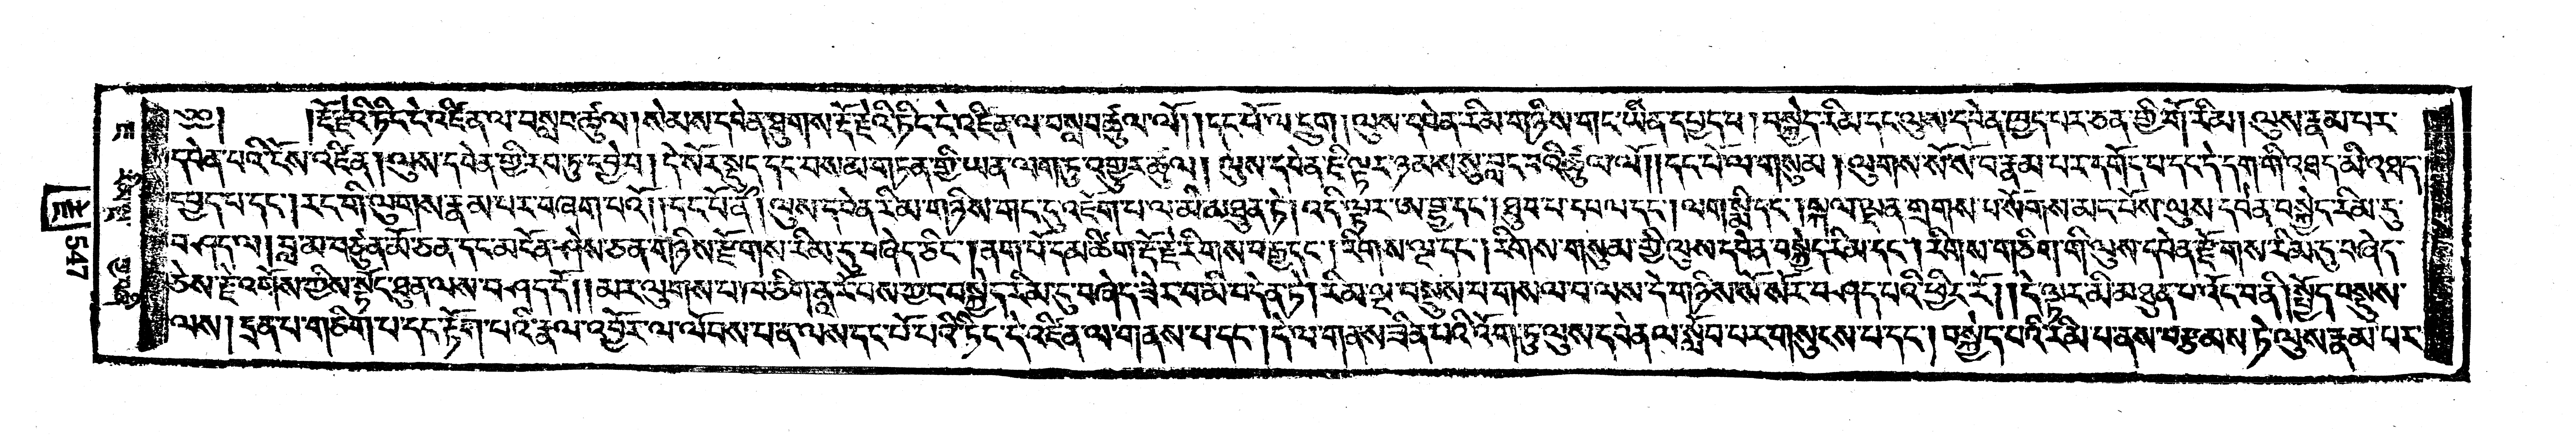༄༅། །རྡོ་རྗེའི་ཏིང་ངེ་འཛིན་ལ་བསླབ་ཚུལ་།སེམས་དབེན་ཐུགས་རྡོ་རྗེའི་ཏིང་ངེ་འཛིན་ལ་བསླབ་ཚུལ་ལོ། །དང་པོ་ལ་དྲུག །ལུས་དབེན་རིམ་གཉིས་གང་ཡིན་དཔྱོད་པ། བསྐྱེད་རིམ་དང་ལུས་དབེན་ཁྱད་པར་ཅན་གྱི་གོ་རིམ། ལུས་རྣམ་པར་
དབེན་པའི་ངོས་འཛིན། ལུས་དབེན་གྱི་རབ་ཏུ་དབྱེ་བ། དེ་སོར་སྡུད་དང་བསམ་གཏན་གྱི་ཡན་ལག་ཏུ་འགྱུར་ཚུལ། ལུས་དབེན་ཇི་ལྟར་ཉམས་སུ་བླང་བའི་ཚུལ་ལོ། །དང་པོ་ལ་གསུམ། ལུགས་སོ་སོ་བ་རྣམ་པར་དགོད་པ་དང་དེ་དག་གི་འཐད་མི་འཐད་
དཔྱད་པ་དང་། རང་གི་ལུགས་རྣམ་པར་བཞག་པའོ། །དང་པོ་ནི། ལུས་དབེན་རིམ་གཉིས་གང་དུ་འཇོག་པ་ལ་མི་མཐུན་ཏེ། འདི་ལྟར་ཨ་བྷྱ་དང་།ཐུབ་པ་དཔལ་དང་། ལག་སྨི་དང་། སྐལ་ལྡན་གྲགས་པ་སོགས་མང་པོས་ལུས་དབེན་བསྐྱེད་རིམ་དུ་
བཤད་ལ། བླ་མ་བཙུན་མོ་ཅན་དང་མངོན་ཤེས་ཅན་གཉིས་རྫོགས་རིམ་དུ་བཞེད་ཅིང་།ནག་པོ་དམ་ཚིག་རྡོ་རྗེ་རིགས་བརྒྱ་དང་།རིགས་ལྔ་དང་།རིགས་གསུམ་གྱི་ལུས་དབེན་བསྐྱེད་རིམ་དང་།རིགས་གཅིག་གི་ལུས་དབེན་རྫོགས་རིམ་དུ་བཞེད་
ཅེས་རྗེ་འགོས་ཀྱིས་སྟོང་ཐུན་ལས་བཤད་དོ། །མར་ལུགས་པ་ཁ་ཅིག་ནཱ་རོ་པས་ཀྱང་བསྐྱེད་རིམ་དུ་བཞེད་ཟེར་བ་མི་བདེན་ཏེ། རིམ་ལྔ་བསྡུས་པ་གསལ་བ་ལས་དེ་གཉིས་སོ་སོར་བཤད་པའི་ཕྱིར་རོ། །དེ་ལྟར་མི་མཐུན་པ་འོང་བ་ནི། སྤྱོད་བསྡུས་
ལས། དྲན་པ་གཅིག་པ་དང་རྟོག་པའི་རྣལ་འབྱོར་ལ་ལོབས་པ་ན་ལས་དང་པོ་པའི་ཏིང་ངེ་འཛིན་ལ་གནས་པ་དང་། དེ་ལ་གནས་ཟིན་པའི་འོག་ཏུ་ལུས་དབེན་ལ་སློབ་པར་གསུངས་པ་དང་། བསྐྱེད་པའི་རིམ་པ་ནས་བརྩམས་ཏེ་ལུས་རྣམ་པར་